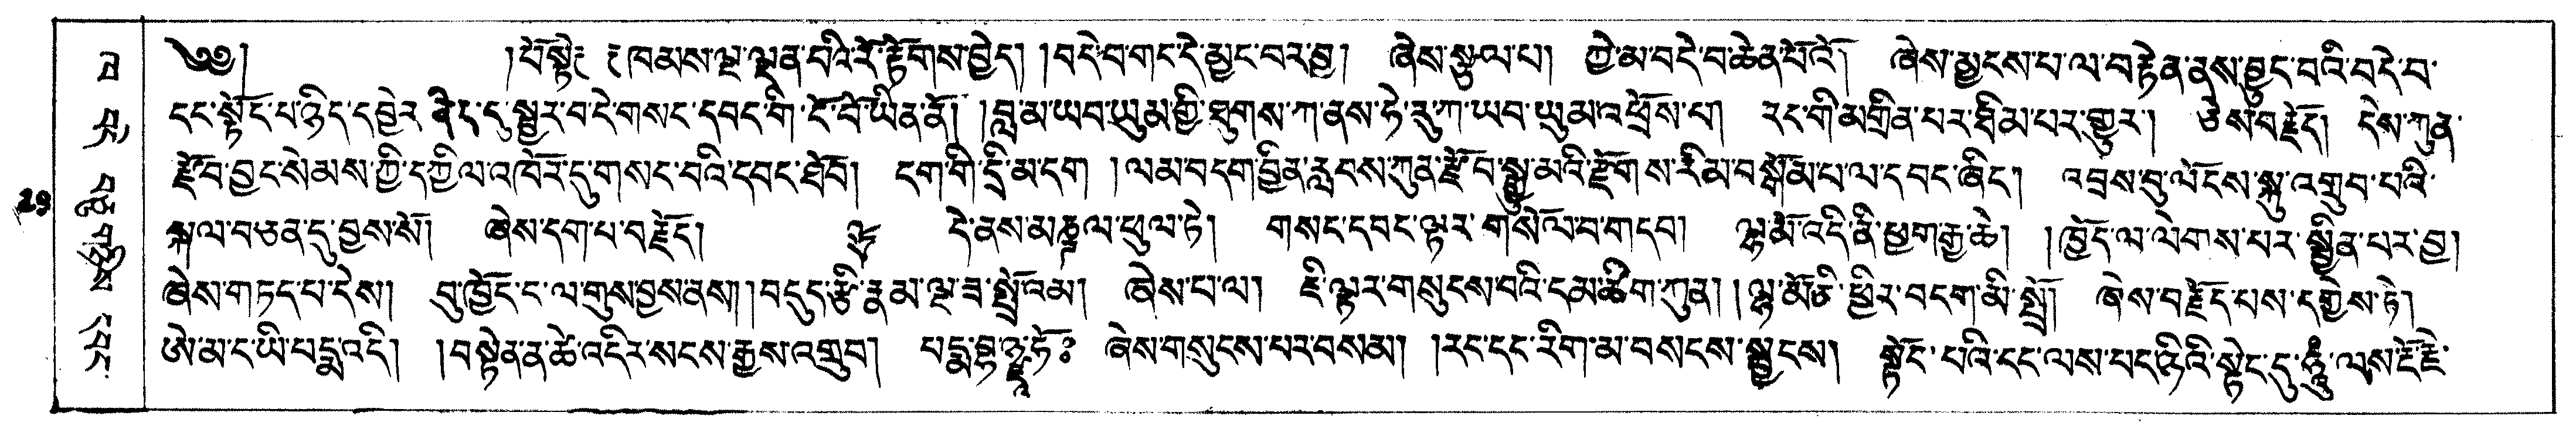༄༅། །པོ་སྟེ༑ ༑ཁམས་ལྔ་ལྡན་པའི་རོ་རྟོགས་བྱེད། །བདེ་བ་གང་དེ་མྱང་བར་བྱ། ཞེས་སྩལ་པ། ཀྱེ་མ་བདེ་བ་ཆེན་པོའོ། ཞེས་མྱངས་པ་ལ་བརྟེན་ནས་བྱུང་བའི་བདེ་བ་
དང་སྟོང་པ་ཉིད་དབྱེར་མེད་དུ་སྦྱར་བ་དེ་གསང་དབང་གི་ངོ་བོ་ཡིན་ནོ། །བླ་མ་ཡབ་ཡུམ་གྱི་ཐུགས་ཀ་ནས་ཧེ་རུ་ཀ་ཡབ་ཡུམ་འཕྲོས་པ། རང་གི་མགྲིན་པར་ཐིམ་པར་གྱུར། ཅེས་བརྗོད། དེས་ཀུན་
རྫོབ་བྱང་སེམས་ཀྱི་དཀྱིལ་འཁོར་དུ་གསང་བའི་དབང་ཐོབ། ངག་གི་དྲི་མ་དག །ལམ་བདག་བྱིན་རླབས་ཀུན་རྫོབ་སྒྱུ་མའི་རྫོགས་རིམ་བསྒོམ་པ་ལ་དབང་ཞིང་། འབྲས་བུ་ལོངས་སྐུ་འགྲུབ་པའི་
སྐལ་བ་ཅན་དུ་བྱས་སོ། ཞེས་དག་པ་བརྗོད། ༈ དེ་ནས་མཎྜལ་ཕུལ་ཏེ། གསང་དབང་ལྟར་གསོལ་བ་གདབ། ལྷ་མོ་འདི་ནི་ཕྱག་རྒྱ་ཆེ། །ཁྱོད་ལ་ལེགས་པར་སྦྱིན་པར་བྱ།
ཞེས་གཏད་པ་དེས། བུ་ཁྱོད་ང་ལ་གུས་བྱས་ནས། །བདུད་རྩི་རྣམ་ལྔ་ཟ་སྤྲོའམ། ཞེས་པ་ལ། ཇི་ལྟར་གསུངས་པའི་དམ་ཚིག་ཀུན། །ལྷ་མོ་ཅི་ཕྱིར་བདག་མི་སྤྲོ། ཞེས་བརྗོད་པས་དགྱེས་ཏེ།
ཨེ་མ་ང་ཡི་པདམ་འདི། །བསྟེན་ན་ཚེ་འདིར་སངས་རྒྱས་འགྲུབ། པདམ་བྷ་ཉྫཱ་ཧོཿ ཞེས་གསུངས་པར་བསམ། །རང་དང་རིག་མ་བསངས་སྦྱངས། སྟོང་པའི་ངང་ལས་པད་ཉིའི་སྟེང་དུ་ཧཱུཾ་ལས་རྡོ་རྗེ་